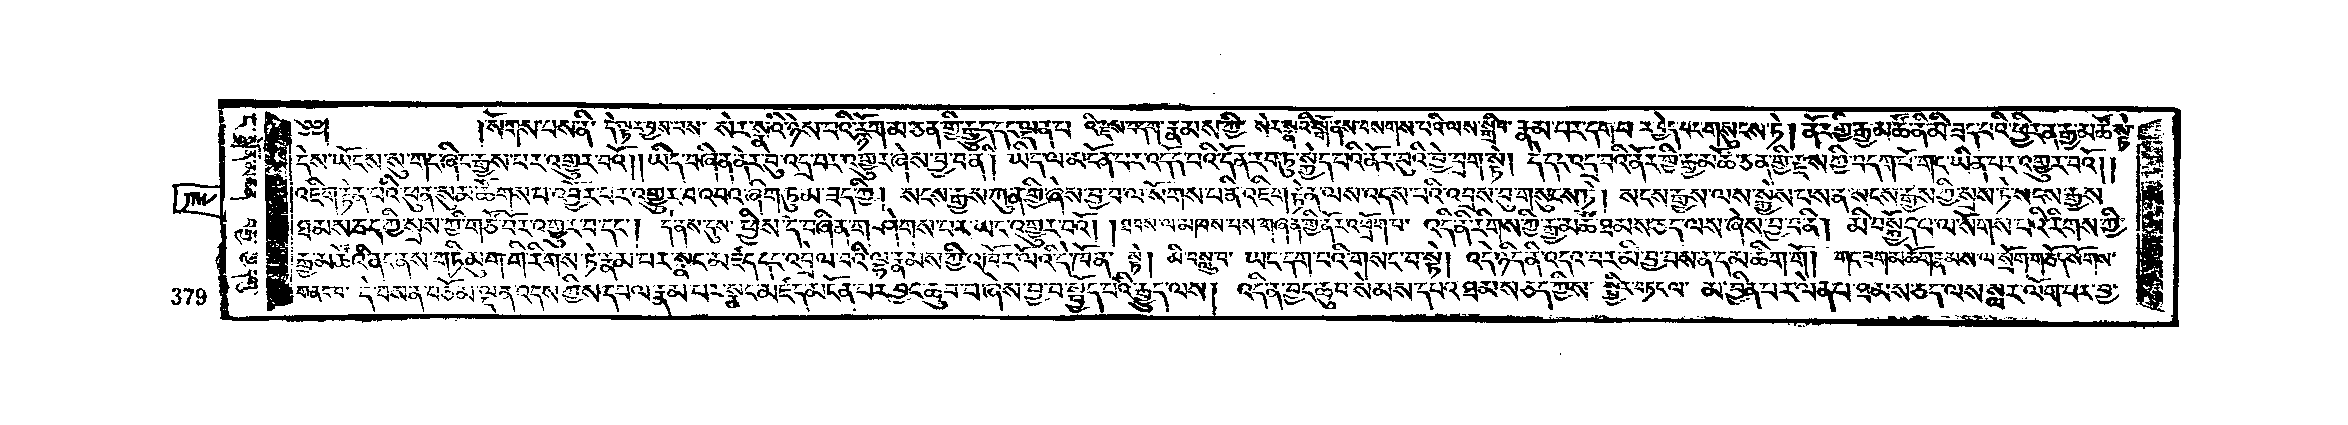༄༅། །སོགས་པས་ནི་དེ་ལྟར་བྱས་པས་སེར་སྣའི་ཉེས་པའི་རྙོག་མ་ཅན་གྱི་རྒྱུད་དང་ལྡན་པའི་རྫས་བདག་རྣམས་ཀྱི་སེར་སྣའི་སྒོ་ནས་བསགས་པའི་ལས་སྒྲིབ་རྣམ་པར་དག་པར་བྱེད་པར་གསུངས་ཏེ། ནོར་གྱི་རྒྱ་མཚོ་ནི་མི་ཟད་པའི་ཕྱིར་ན་རྒྱ་མཚོ་སྟེ་
དེས་ཡོངས་སུ་གང་ཞིང་རྒྱས་པར་འགྱུར་བའོ། །ཡིད་བཞིན་ནོར་བུ་འདྲ་བར་འགྱུར་ཞེས་བྱ་བ་ནི། ཡིད་ལ་མངོན་པར་འདོད་པའི་དོན་རབ་ཏུ་སྐྱེད་པའི་ནོར་བུའི་བྱེ་བྲག་སྟེ། དེ་དང་འདྲ་བའི་ནོར་གྱི་རྒྱ་མཚོ་ཅན་གྱི་རྫས་ཀྱི་བདག་པོ་གང་ཡིན་པར་འགྱུར་བའོ། །
འཇིག་རྟེན་པའི་ཕུན་སུམ་ཚོགས་པ་འབྱོར་པར་འགྱུར་བ་འབའ་ཞིག་ཏུ་མ་ཟད་ཀྱི། སངས་རྒྱས་ཀུན་གྱི་ཞེས་བྱ་བ་ལ་སོགས་པ་ནི་འཇིག་རྟེན་ལས་འདས་པའི་འབྲས་བུ་གསུངས་ཏེ། སངས་རྒྱས་ལས་སྐྱེས་པས་ན་སངས་རྒྱས་ཀྱི་སྲས་ཏེ་སངས་རྒྱས་
ཐམས་ཅད་ཀྱི་སྲས་ཀྱི་གཙོ་བོར་འགྱུར་བ་དང་། དེ་ནས་དུས་ཕྱིས་དེ་བཞིན་གཤེགས་པར་ཡང་འགྱུར་བའོ། ། ཐབས་ལ་མཁས་པས་གཞན་གྱི་ནོར་འཕྲོག་པ་འདི་ནི་རིགས་ཀྱི་རྒྱ་མཚོ་ཐམས་ཅད་ལས་ཞེས་བྱ་བ་ནི། མི་བསྐྱོད་པ་ལ་སོགས་པའི་རིགས་ཀྱི་
རྒྱ་མཚོའི་ནང་ནས་གཏི་མུག་གི་རིགས་ཏེ་རྣམ་པར་སྣང་མཛད་དང་འབྲེལ་བའི་ལྷ་རྣམས་ཀྱི་འཁོར་ལོའི་དེ་ཁོ་ན་སྟེ། མི་བསླུ་བ་ཡང་དག་པའི་གསང་བ་སྟེ། འདི་ཉིད་ནི་འདའ་བར་མི་བྱ་བས་ན་དམ་ཚིག་གོ །གང་ཟག་མཆོག་རྣམས་ལ་སྲོག་གཅོད་སོགས་
གནང་བ་དེ་བས་ན་བཅོམ་ལྡན་འདས་ཀྱིས་དཔལ་རྣམ་པར་སྣང་མཛད་མངོན་པར་བྱང་ཆུབ་པ་ཞེས་བྱ་བ་སྤྱོད་པའི་རྒྱུད་ལས། འདི་ན་བྱང་ཆུབ་སེམས་དཔའ་ཐམས་ཅད་ཀྱིས་སྤྱིར་བཏང་ལ་མ་བྱིན་པར་ལེན་པ་ཐམས་ཅད་ལས་སླར་ལོག་པར་བྱ་